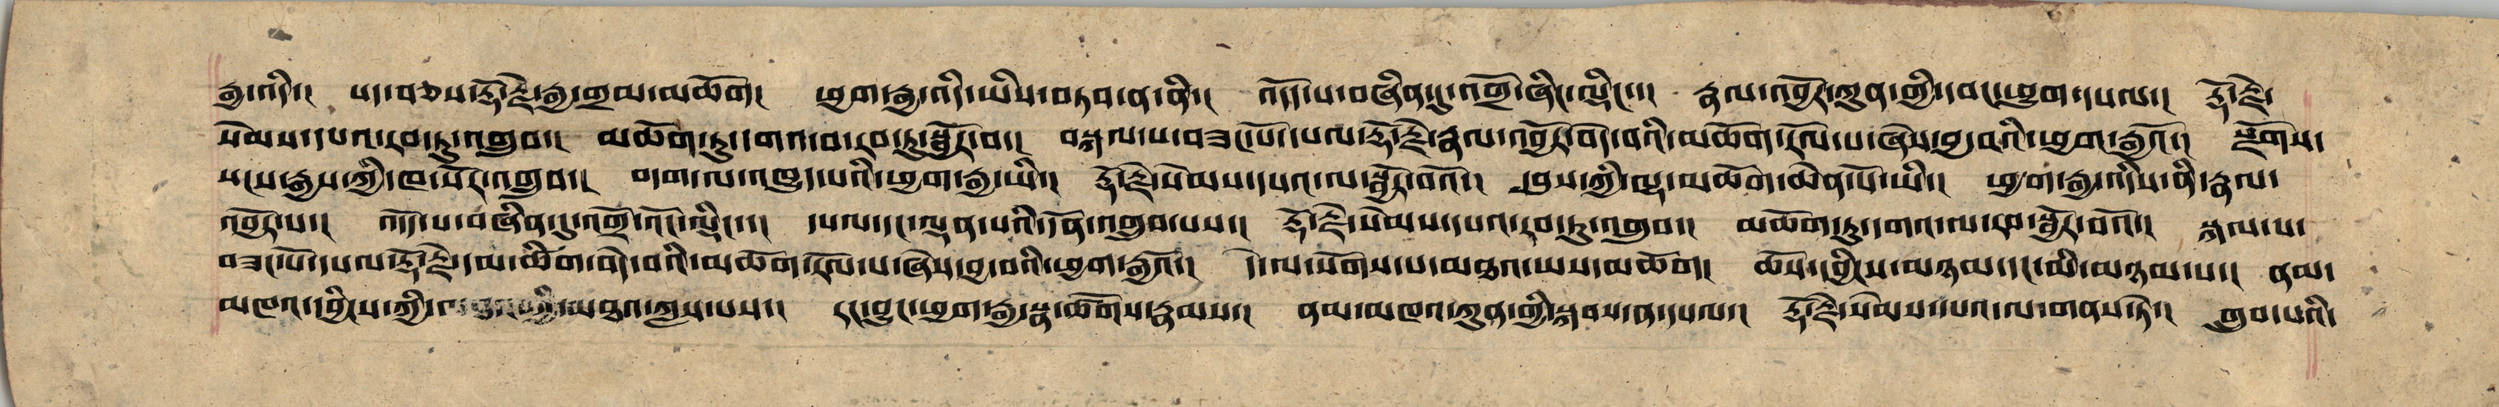རྒྱ་འདི་། སད་བཅས་རྡོ་རྗེ་རྒྱ་གྲམ་མཆོག། ཕྱག་རྒྱ་འདི་ཡིས་བཏབ་ན་ནི་། འདོད་པ་བཞིན་དུ་འགྲོ་ཞིང་ལྡིང་་། རྣལ་འབྱོར་ཀུན་གྱི་དབང་ཕྱུག་དཔལ་། རྡོ་རྗེ་
སེམས་དཔའ་རབ་ཏུ་འགྲུབ་། མཆོག་ཏུ་དགའ་བ་རབ་ཏུ་སྦྱོར་བ་། བསྐལ་པ་བཟང་པོ་དཔལ་རྡོ་རྗེ་རྣལ་འབྱོར་བདེ་བའི་མཆོག་རོལ་པ་ཞེས་བྱ་བའི་ཕྱག་རྒྱའོ་། སྫོགས་
སངས་རྒྱས་ཀྱི་ཁ་སོར་འགྲུབ་། བདག་ལ་འཁྱུད་པའི་ཕྱག་རྒྱ་ཡི་། རྡོ་རྗེ་སེམས་དཔའ་ལ་སྦྱོར་བའོ་། དབུས་ཀྱི་ལྷ་མཆོག་ཆེན་པོ་ཡི་། ཕྱག་་རྒྱ་འདིས་ནི་རྣལ་
འབྱོར་པ་། འདོད་པ་བཞིན་དུ་འགྲོ་འོང་ལྡིང་་། དཔལ་དང་ལྡན་པའི་དོན་འགྲུབ་པས་། རྡོ་རྗེ་སེམས་དཔའ་རབ་ཏུ་འགྲུབ་། མཆོག་ཏུ་དགའ་ལ་རབ་སྦྱོར་བའོ་། སྐལ་
བཟང་པོ་དཔལ་རྡོ་རྗེ་དམ་ཚིག་བདེ་བའི་མཆོག་རོལ་པ་ཞེས་བྱས་བའི་ཕྱག་རྒྱའོ། དེ་ལ་སོགས་པ་མཐའ་ཡས་མཆོག། ཆོས་དབྱིངས་མཉམ་དང་མི་མཉམ་པ་། ནམ
མཁའ་དབྱིངས་ཀྱི་ མཐའ་ཀླས་པས་། རང་བྱུང་ཕྱག་རྒྱ་སྣ་ཚོགས་རྣམས་། ནམ་མཁའ་ཀུན་གྱི་སྐབས་ན་དཔལ་། རྡོ་རྗེ་སེམས་དཔའ་ལ་གནས་ཏེ་། གྲུབ་པའི་